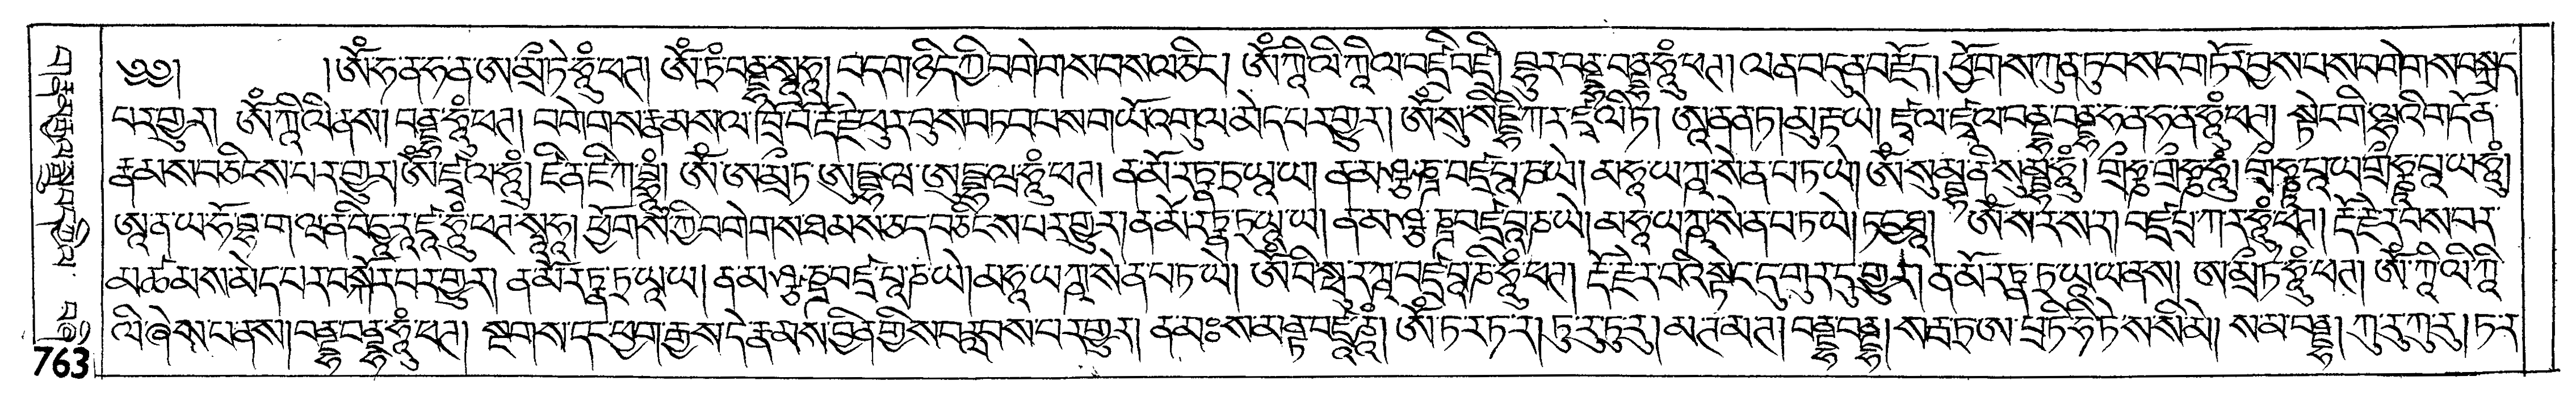༄༅། །ཨོཾ་ཧ་ན་ཧ་ན་ཨ་མྲྀ་ཏེ་ཧཱུཾ་ཕཊ། ཨོཾ་ཏྲཾ་བནྡྷ་སྭཱཧཱ། བདག་ཉིད་ཀྱི་བགེགས་བསལ་ཅིང་། ཨོཾ་ཀཱི་ལི་ཀཱི་ལ་བཛྲི་བཛྲི། བྷུར་བནྡྷ་བ་ནྡྷ་ཧཱུཾ་ཕཊ། ལན་བདུན་བརྗོད། ཕྱོགས་ཀུན་ཏུ་བསང་གཏོར་བྱས་པས་བགེགས་བསྐྲད་
པར་གྱུར། ཨོཾ་ཀཱི་ལི་ནས། བནྡྷ་ཧཱུཾ་ཕཊ། བགེགས་རྣམས་ལ་ཁྲོ་བོ་རྡོ་རྗེ་ཕུར་བུས་བཏབ་པས་གཡོ་འགུལ་མེད་པར་གྱུར། ཨོཾ་སུ་སིདྡྷི་ཀ་ར་ཛྭ་ལི་ཏ། ཨཱ་ནན་ཏ། མུ་རྟ་ཡེ། ཛྭ་ལ་ཛྭ་ལ་བནྡྷ་བནྡྷ་ཧ་ན་ཧ་ན་ཧཱུཾ་ཕཊ། སྟེང་གི་ལྷའི་གདོན་
རྣམས་བཅིངས་པར་གྱུར། ཨོཾ་ཛྭ་ལ་ཧཱུཾ། ཛི་ན་ཛི་ཀ་བྷྲཱུཾ། ཨོཾ་ཨ་མྲྀ་ཏ་ཨུདབྷ་ཝ་ཨུདབྷ་ཝ་ཧཱུཾ་ཕཊ། ན་མོ་རཏྣ་ཏྲ་ཡཱ་ཡ། ན་མ་ཤྩ་ཎྜ་བཛྲ་པཱ་ཎ་ཡེ། མཧཱ་ཡཀྵ་སེ་ན་པ་ཏ་ཡེ། ཨོཾ་སུམྦྷ་ནི་སུམྦྷ་ཧཱུཾ། གྲྀཧྞ་གྲྀཧྞ་ཧཱུཾ། གྲྀཧྞཱ་པཱ་ཡ་གྲྀཧྞཱ་པཱ་ཡ་ཧཱུཾ།
ཨཱ་ན་ཡ་ཧོ་བྷ་ག་ཝ་ན་བིདྱཱ་རཱ་ཛཱ་ཧཱུཾ་ཕཊ་སྭཱཧཱ། ཕྱོགས་ཀྱི་བགེགས་ཐམས་ཅད་བཅིངས་པར་གྱུར། ན་མོ་རཏྣ་ཏྲ་ཡཱ་ཡ། ན་མ་ཤྩ་ཎྜ་བཛྲ་བཱ་ཎ་ཡེ། མཧཱ་ཡཀྵ་སེ་ན་པ་ཏ་ཡེ། ཏདྱ་ཐཱ། ཨོཾ་ས་ར་ས་ར། བཛྲ་པྲ་ཀ་ར་ཧཱུཾ་ཕཊ། རྡོ་རྗེ་ར་བས་བར་
མཚམས་མེད་པར་བསྐོར་བར་གྱུར། ན་མོ་རཏྣ་ཏྲ་ཡཱ་ཡ། ན་མ་ཤྩ་ཎྜ་བཛྲ་པཱ་ཎ་ཡེ། མཧཱ་ཡཀྵ་སེ་ན་པ་ཏ་ཡེ། ཨོཾ་བི་སྥུ་རཀྵ་བཛྲ་པཱ་ཎི་ཧཱུཾ་ཕཊ། རྡོ་རྗེ་ར་བའི་སྟེང་དུ་གུར་དུ་གྱུར། ན་མོ་རཏྣ་ཏྲ་ཡཱ་ཡ་ནས། ཨ་མྲྀ་ཏེ་ཧཱུཾ་ཕཊ། ཨོཾ་ཀཱི་ལི་ཀཱི་
ལི་ཞེས་པ་ནས། བནྡྷ་བནྡྷ་ཧཱུཾ་ཕཊ། སྔགས་དང་ཕྱག་རྒྱས་དེ་རྣམས་བྱིན་གྱིས་བརླབས་པར་གྱུར། ན་མཿ ས་མནྟ་བཛྲཱ་ཎཱཾ། ཨོཾ་ཏ་ར་ཏ་ར། ཏུ་རུ་ཏུ་རུ། མ་ཊ་མ་ཊ། བནྡྷ་བནྡྷ། སརྦ་ཏྲ་ཨ་པྲ་ཏི་ཧི་ཏེ་ས་སི་མེ། ས་མ་བནྡྷ། ཀུ་རུ་ཀུ་རུ། ཏ་ར་